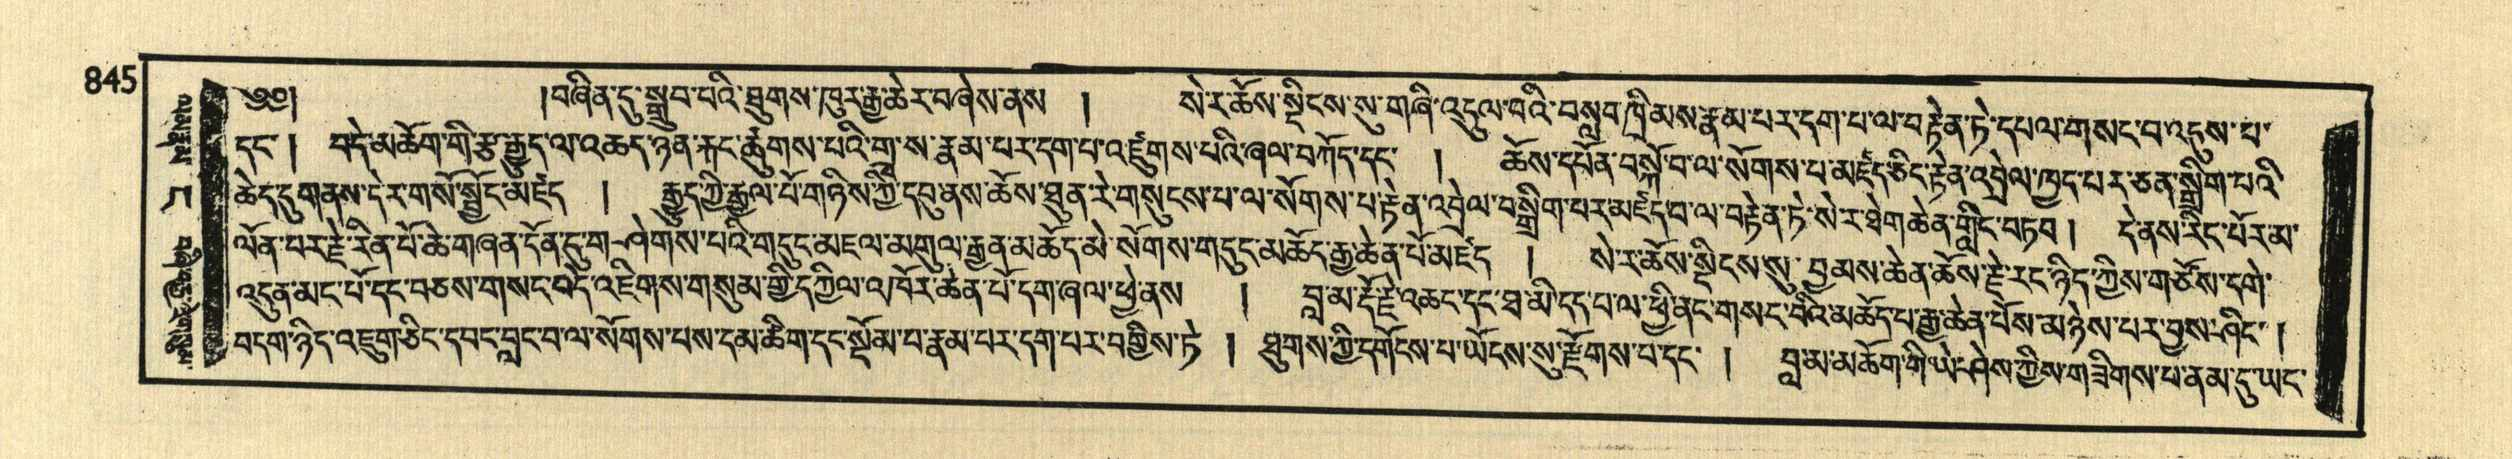༄༅། །བཞིན་དུ་སྒྲུབ་པའི་ཐུགས་ཁུར་རྒྱ་ཆེར་བཞེས་ནས། སེ་ར་ཆོས་སྡིངས་སུ་གཞི་འདུལ་བའི་བསླབ་ཁྲིམས་རྣམ་པར་དག་པ་ལ་བརྟེན་ཏེ་དཔལ་གསང་བ་འདུས་པ་
དང་། བདེ་མཆོག་གི་རྩ་རྒྱུད་ལ་འཆད་ཉན་རྐང་ཚུགས་པའི་གྲྭ་ས་རྣམ་པར་དག་པ་འཛུགས་པའི་ཞལ་བཀོད་དང་། ཆོས་དཔོན་བསྐོ་བ་ལ་སོགས་པ་མཛད་ཅིང་རྟེན་འབྲེལ་ཁྱད་པར་ཅན་སྒྲིག་པའི་
ཆེད་དུ་གནས་དེར་གསོ་སྦྱོང་མཛད། རྒྱུད་ཀྱི་རྒྱལ་པོ་གཉིས་ཀྱི་དབུ་ནས་ཆོས་ཐུན་རེ་གསུངས་པ་ལ་སོགས་པ་རྟེན་འབྲེལ་བསྒྲིག་པར་མཛད་པ་ལ་བརྟེན་ཏེ་སེ་ར་ཐེག་ཆེན་གླིང་བཏབ། དེ་ནས་རིང་པོར་མ་
ལོན་པར་རྗེ་རིན་པོ་ཆེ་གཞན་དོན་དུ་གཤེགས་པའི་གདུང་མཇལ་རྒྱན་མཆོད་མེ་སོགས་གདུང་མཆོག་རྒྱ་ཆེན་པོ་མཛད། སེ་ར་ཆོས་སྡིངས་སུ་བྱམས་ཆེན་ཆོས་རྗེ་རང་ཉིད་ཀྱིས་གཙོས་དགེ་
འདུན་མང་པོ་དང་བཅས་གསང་བདེ་འཇིགས་གསུམ་གྱི་དཀྱིལ་འཁོར་ཆེན་པོ་དག་ཞལ་ཕྱེ་ནས། བླ་མ་རྡོ་རྗེ་འཆང་དང་ཐ་མི་དད་པ་ལ་ཕྱི་ནང་གསང་བའི་མཆོད་པ་རྒྱ་ཆེན་པོས་མཉེས་པར་བྱས་ཤིང་།
བདག་ཉིད་འཇུག་ཅིང་དབང་བླང་བ་ལ་སོགས་པས་དམ་ཚིག་དང་སྡོམ་པ་རྣམ་པར་དག་པར་བགྱིས་ཏེ། ཐུགས་ཀྱི་དགོངས་པ་ཡོངས་སུ་རྫོགས་པ་དང་། བླ་མ་མཆོག་གི་ཡེ་ཤེས་ཀྱིས་གཟིགས་པ་ནམ་དུ་ཡང་